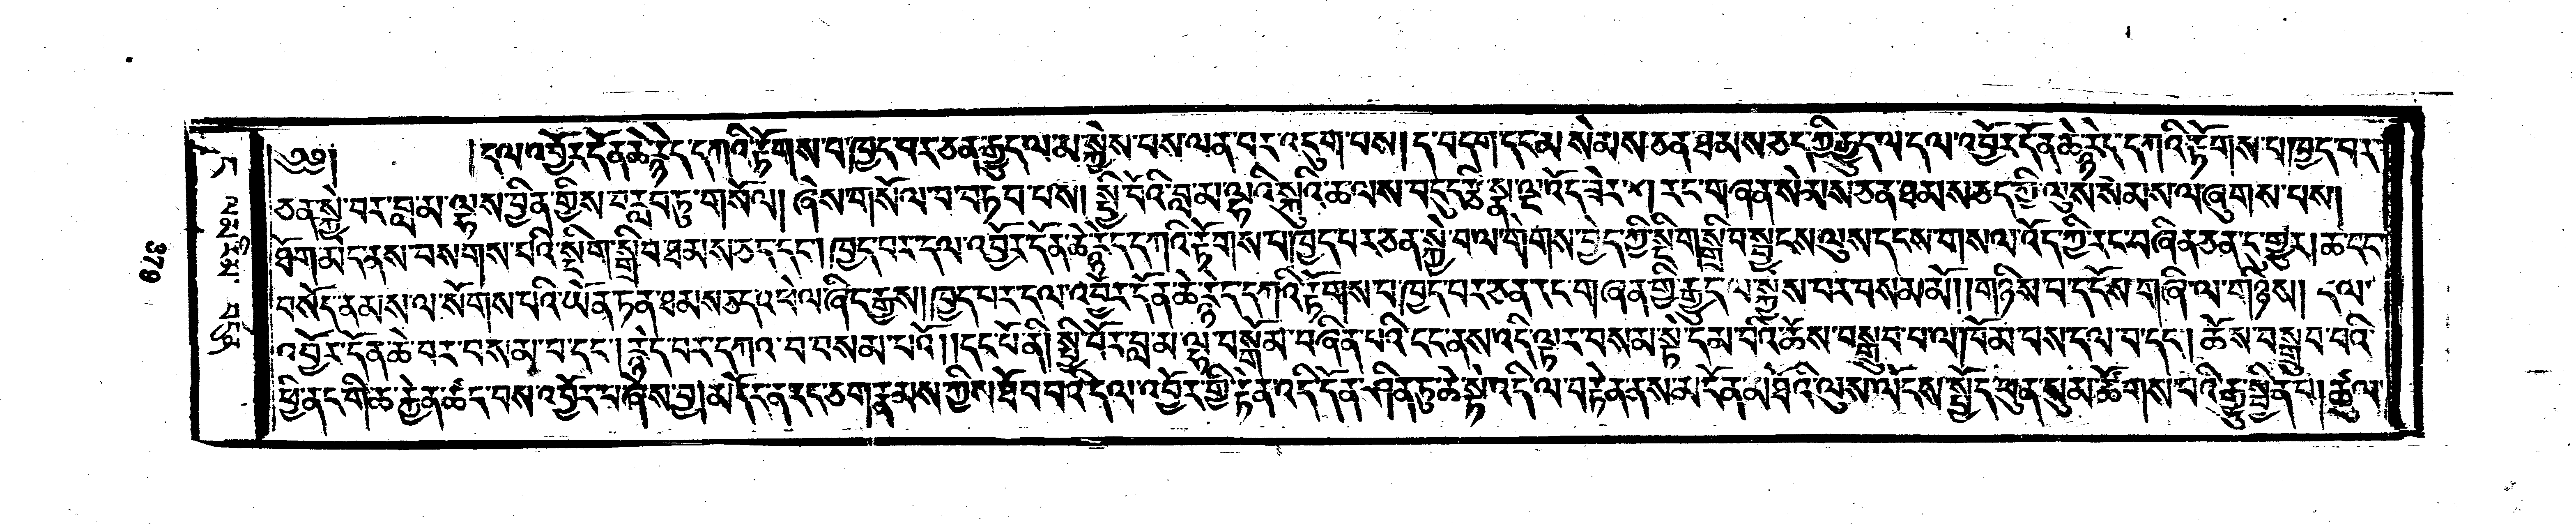༄༅། །དལ་འབྱོར་དོན་ཆེ་རྙེད་དཀའི་རྟོགས་པ་ཁྱད་པར་ཅན་རྒྱུད་ལ་མ་སྐྱེས་པས་ལན་པར་འདུག་པས། ད་བདག་དང་མ་སེམས་ཅན་ཐམས་ཅད་ཀྱི་རྒྱུད་ལ་དལ་འབྱོར་དོན་ཆེ་རྙེད་དཀའི་རྟོགས་པ་ཁྱད་པར་
ཅན་སྐྱེ་བར་བླ་མ་ལྷས་བྱིན་གྱིས་བརླབ་ཏུ་གསོལ། ཞེས་གསོལ་བ་བཏབ་པས། སྤྱི་བོའི་བླ་མ་ལྷའི་སྐུའི་ཆ་ལས་བདུད་རྩི་སྣ་ལྔ་འོད་ཟེར་྾། རང་གཞན་སེམས་ཅན་ཐམས་ཅད་ཀྱི་ལུས་སེམས་ལ་ཞུགས་པས།
ཐོག་མེད་ནས་བསགས་པའི་སྡིག་སྒྲིབ་ཐམས་ཅད་དང་། ཁྱད་པར་དལ་འབྱོར་དོན་ཆེ་རྙེད་དཀའི་རྟོགས་པ་ཁྱད་པར་ཅན་སྐྱེ་བ་ལ་གེགས་བྱེད་ཀྱི་སྡིག་སྒྲིབ་སྦྱངས་ལུས་དངས་གསལ་འོད་ཀྱི་རང་བཞིན་ཅན་དུ་གྱུར། ཚེ་དང་
བསོད་ནམས་ལ་སོགས་པའི་ཡོན་ཏན་ཐམས་ཅད་འཕེལ་ཞིང་རྒྱས། ཁྱད་པར་དལ་འབྱོར་དོན་ཆེ་རྙེད་དཀའི་རྟོགས་པ་ཁྱད་པར་ཅན་རང་གཞན་གྱི་རྒྱུད་ལ་སྐྱེས་པར་བསམ་མོ། །གཉིས་པ་དངོས་གཞི་ལ་གཉིས། དལ་
འབྱོར་དོན་ཆེ་བར་བསམ་པ་དང་། རྙེད་པར་དཀའ་བ་བསམ་པའོ། །དང་པོ་ནི། སྤྱི་བོར་བླ་མ་ལྷ་བསྒོམ་བཞིན་པའི་ངང་ནས་འདི་ལྟར་བསམ་སྟེ་དམ་པའི་ཆོས་བསྒྲུབ་པ་ལ་ཁོམ་བས་དལ་བ་དང་། ཆོས་བསྒྲུབ་པའི་
ཕྱི་ནང་གི་ཆ་རྐྱེན་ཚང་བས་འབྱོར་པ་ཞེས་བྱ། མདོར་ན་རང་ཅག་རྣམས་ཀྱིས་ཐོབ་པའི་དལ་འབྱོར་གྱི་རྟེན་འདི་དོན་ཤིན་ཏུ་ཆེ་སྟེ་འདི་ལ་བརྟེན་ནས་མངོན་མཐོའི་ལུས་ལོངས་སྤྱོད་ཕུན་སུམ་ཚོགས་པའི་རྒྱུ་སྦྱིན་པ། ཚུལ་